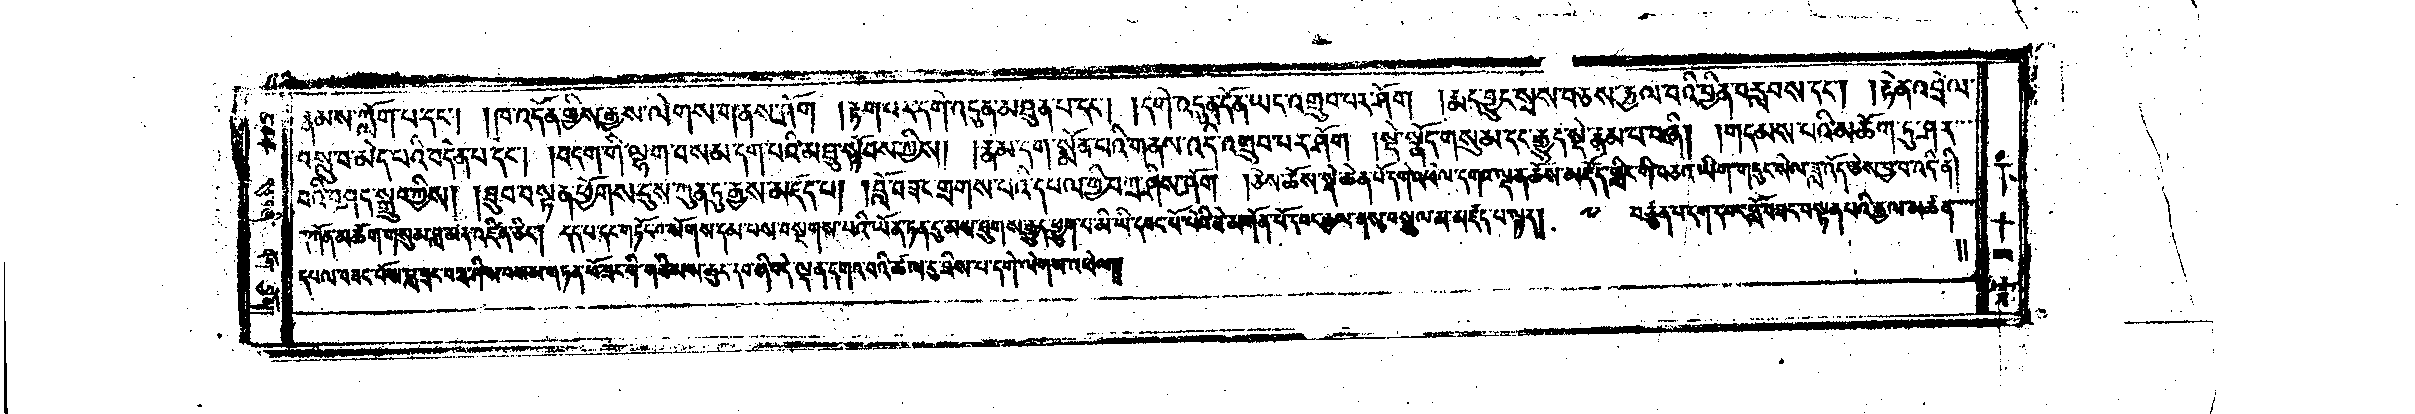རྣམས་ཀློག་པ་དང་། །ཁ་འདོན་གྱིས་རྒྱས་ལེགས་གནས་ཤོག །རྟག་པར་དགེ་འདུན་མཐུན་པ་དང་། །དགེ་འདུན་དོན་ཡང་འགྲུབ་པར་ཤོག །རྨད་བྱུང་སྲས་བཅས་རྒྱལ་བའི་བྱིན་བརླབས་དང་། །རྟེན་འབྲེལ་
བསླུ་བ་མེད་པའི་བདེན་པ་དང་། །བདག་གི་ལྷག་བསམ་དག་པའི་མཐུ་སྟོབས་ཀྱིས། །རྣམ་དག་སྨོན་པའི་གནས་འདི་འགྲུབ་པར་ཤོག །སྡེ་སྣོད་གསུམ་དང་རྒྱུད་སྡེ་རྣམ་པ་བཞི། །གདམས་པའི་མཆོག་ཏུ་ཤར་
བའི་བཤད་སྒྲུབ་ཀྱིས། །ཐུབ་བསྟན་ཕྱོགས་དུས་ཀུན་ཏུ་རྒྱས་མཛད་པ། །བློ་བཟང་གྲགས་པའི་དཔལ་གྱི་བཀྲ་ཤིས་ཤོག །ཅེས་ཆོས་སྡེ་ཆེན་པོ་དགེ་འཕེལ་དགའ་ལྡན་ཆོས་མཛོད་གླིང་གི་བཅའ་ཡིག་གདུང་སེལ་ཟླ་འོད་ཅེས་བྱ་བ་འདི་ནི།
དཀོན་མཆོག་གསུམ་བླ་མར་འཛིན་ཅིང་། དད་པ་དང་གཏོང་བ་སོགས་དམ་པས་བསྔགས་པའི་ཡོན་ཏན་དུ་མས་ཐུགས་རྒྱུད་ཕྱུག་པ་མི་ཡི་དབང་པོ་བེའི་ཟེ་མགོན་པོ་དབང་རྒྱལ་ནས་བསྐུལ་མ་མཛད་པ་ལྟར། ༧་བཙུན་པ་ངག་དབང་བློ་བཟང་བསྟན་པའི་རྒྱལ་མཚན་
དཔལ་བཟང་པོས་བླ་བྲང་བཀྲ་ཤིས་བསམ་གཏན་ཕོ་བྲང་གི་གཟིམས་ཆུང་རབ་ཞི་བདེ་ལྡན་དགའ་བའི་ཆལ་དུ་བྲིས་པ་དགེ་ལེགས་འཕེལ།། །།